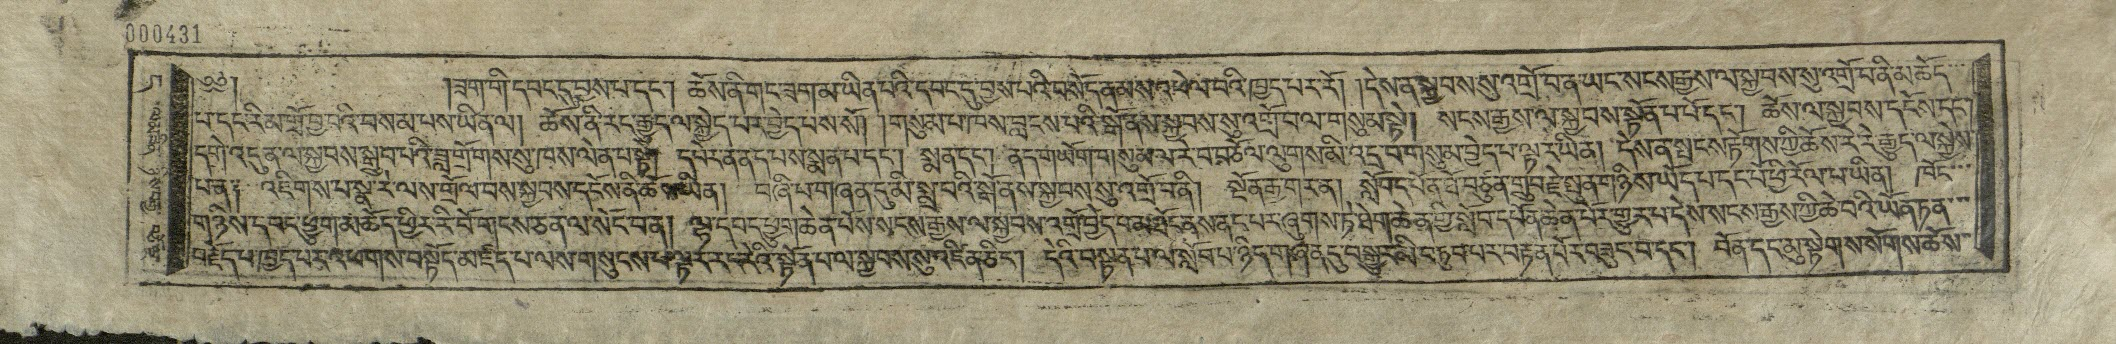༄༅། །ཟག་གི་དབང་དུ་བྱས་པ་དང་། ཆོས་ནི་གང་ཟག་མ་ཡིན་པའི་དབང་དུ་བྱས་པའི་བསོད་ནམས་འཕེལ་བའི་ཁྱད་པར་རོ། །དེས་ན་སྐྱབས་སུ་འགྲོ་བ་ན་ཡང་སངས་རྒྱས་ལ་སྐྱབས་སུ་འགྲོ་བ་ནི་མཆོད་
པ་དང་རིམ་གྲོ་བྱ་བའི་བསམ་པས་ཡིན་ལ། ཆོས་ནི་རང་རྒྱུད་ལ་སྐྱེད་པར་བྱེད་པས་སོ། །གསུམ་པ་ཁས་བླངས་པའི་སྒོ་ནས་སྐྱབས་སུ་འགྲོ་བ་ལ་གསུམ་སྟེ། སངས་རྒྱས་ལ་སྐྱབས་སྟོན་པ་པོ་དང་། ཆོས་ལ་སྐྱབས་དངོས་དང་།
དགེ་འདུན་ལ་སྐྱབས་སྒྲུབ་པའི་ཟླ་གྲོགས་སུ་ཁས་ལེན་པ་སྟེ། དཔེར་ན་ནད་པས་སྨན་པ་དང་། སྨན་དང་། ནད་གཡོག་གསུམ་ལ་རེ་བ་བཅོལ་ལུགས་མི་འདྲ་བ་གསུམ་བྱེད་པ་ལྟར་ཡིན། དེས་ན་སྤངས་རྟོགས་ཀྱི་ཆོས་རེ་རེ་རྒྱུད་ལ་སྐྱེས་
པ་ན༑ འཇིགས་པ་སྣ་རེ་ལས་གྲོལ་བས་སྐྱབས་དངོས་ནི་ཆོས་ཡིན། བཞི་པ་གཞན་དུ་མི་སྨྲ་བའི་སྒོ་ནས་སྐྱབས་སུ་འགྲོ་བ་ནི། སྔོན་རྒྱ་གར་ན། སློབ་དཔོན་ཐོ་བཙུན་གྲུབ་རྗེ་སྤུན་གཉིས་ཡོད་པ་དང་པོ་ཕྱི་རོལ་པ་ཡིན། ཁོང་
གཉིས་དབང་ཕྱུག་མཆོད་ཕྱིར་རི་བོ་གངས་ཅན་ལ་སོང་བ་ན། ལྷ་དབང་ཕྱུག་ཆེན་པོས་སངས་རྒྱས་ལ་སྐྱབས་འགྲོ་བྱེད་པ་མཐོང་ནས་ནང་པར་ཞུགས་ཏེ་ཐེག་ཆེན་གྱི་སློབ་དཔོན་ཆེན་པོར་གྱུར་པ་དེས་སངས་རྒྱས་ཀྱི་ཆེ་བའི་ཡོན་ཏན་
བརྗོད་པ་ཁྱད་པར་འཕགས་བསྟོད་མཛད་པ་ལས་གསུངས་པ་ལྟར་རང་རེའི་སྟོན་པ་ལ་སྐྱབས་སུ་འཛིན་ཅིང་། དེའི་བསྟན་པ་ལ་སློབ་པ་ཉིད་གཞན་དུ་བསྒྱུར་མི་བཏུབ་པར་བརྟན་པོར་བཟུང་བ་དང་། བོན་དང་མུ་སྟེགས་སོགས་ཆོས་